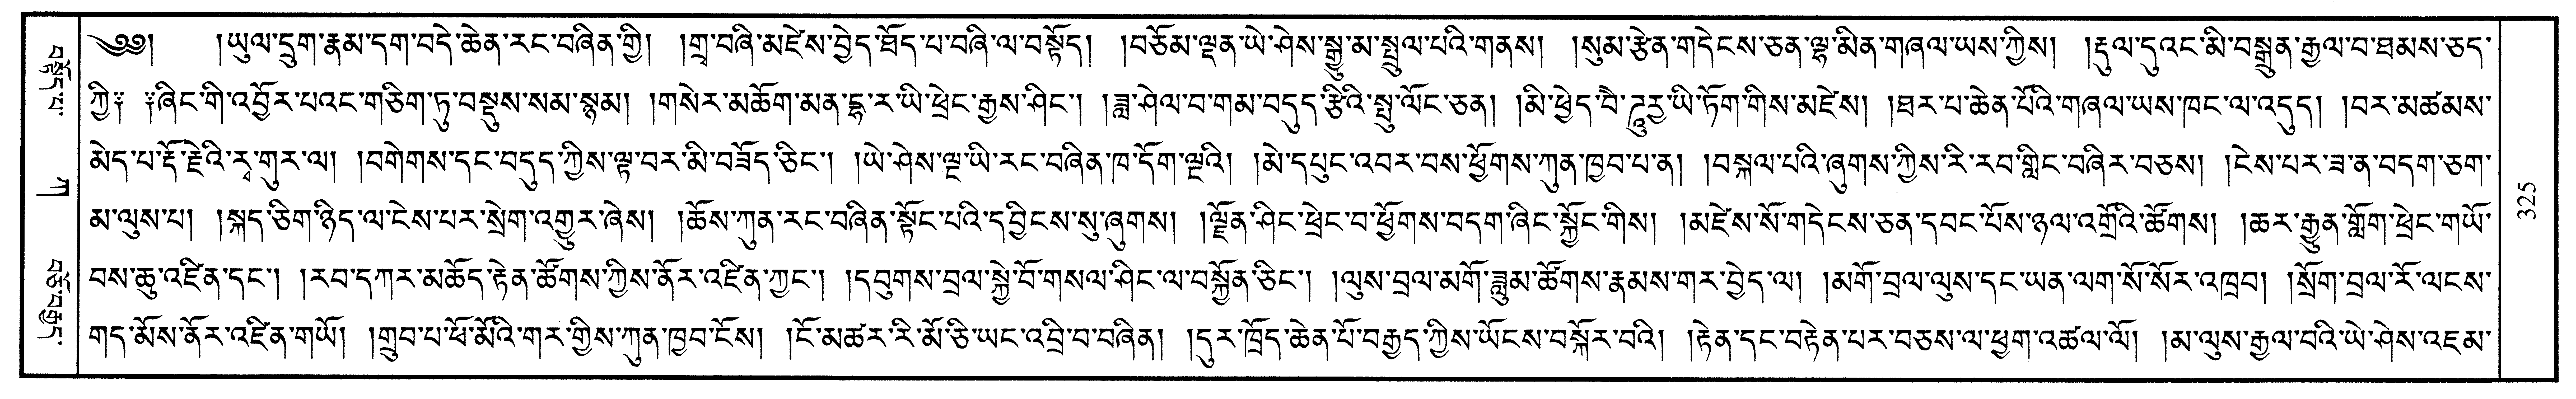༄༅། །ཡུལ་དྲུག་རྣམ་དག་བདེ་ཆེན་རང་བཞིན་གྱི། །གྲྭ་བཞི་མཛེས་བྱེད་ཐོད་པ་བཞི་ལ་བསྟོད། །བཅོམ་ལྡན་ཡེ་ཤེས་སྒྱུ་མ་སྤྲུལ་པའི་གནས། །སུམ་རྩེན་གདེངས་ཅན་ལྷ་མིན་གཞལ་ཡས་ཀྱིས། །རྡུལ་དུའང་མི་བསྒྲུན་རྒྱལ་བ་ཐམས་ཅད་
ཀྱི༑ ༑ཞིང་གི་འབྱོར་པའང་གཅིག་ཏུ་བསྡུས་སམ་སྙམ། །གསེར་མཆོག་མན་དྷ་ར་ཡི་ཕྲེང་རྒྱས་ཤིང་། །ཟླ་ཤེལ་བ་གམ་བདུད་རྩིའི་སྤུ་ལོང་ཅན། །མི་ཕྱེད་བཻ་ཌཱུརྱ་ཡི་ཏོག་གིས་མཛེས། །ཐར་པ་ཆེན་པོའི་གཞལ་ཡས་ཁང་ལ་འདུད། །བར་མཚམས་
མེད་པ་རྡོ་རྗེའི་རྭ་གུར་ལ། །བགེགས་དང་བདུད་ཀྱིས་ལྟ་བར་མི་བཟོད་ཅིང་། །ཡེ་ཤེས་ལྔ་ཡི་རང་བཞིན་ཁ་དོག་ལྔའི། །མེ་དཔུང་འབར་བས་ཕྱོགས་ཀུན་ཁྱབ་པ་ན། །བསྐལ་པའི་ཞུགས་ཀྱིས་རི་རབ་གླིང་བཞིར་བཅས། །ངེས་པར་ཟ་ན་བདག་ཅག་
མ་ལུས་པ། །སྐད་ཅིག་ཉིད་ལ་ངེས་པར་སྲེག་འགྱུར་ཞེས། །ཆོས་ཀུན་རང་བཞིན་སྟོང་པའི་དབྱིངས་སུ་ཞུགས། །ལྗོན་ཤིང་ཕྲེང་བ་ཕྱོགས་བདག་ཞིང་སྐྱོང་གིས། །མཛེས་སོ་གདེངས་ཅན་དབང་པོས་ཉལ་འགྲོའི་ཚོགས། །ཆར་རྒྱུན་གློག་ཕྲེང་གཡོ་
བས་ཆུ་འཛིན་དང་། །རབ་དཀར་མཆོད་རྟེན་ཚོགས་ཀྱིས་ནོར་འཛིན་ཀྱང་། །དབུགས་བྲལ་སྐྱེ་བོ་གསལ་ཤིང་ལ་བསྐྱོན་ཅིང་། །ལུས་བྲལ་མགོ་ཟླུམ་ཚོགས་རྣམས་གར་བྱེད་ལ། །མགོ་བྲལ་ལུས་དང་ཡན་ལག་སོ་སོར་འཁྲབ། །སྲོག་བྲལ་རོ་ལངས་
གད་མོས་ནོར་འཛིན་གཡོ། །གྲུབ་པ་ཕོ་མོའི་གར་གྱིས་ཀུན་ཁྱབ་ངོས། །ངོ་མཚར་རི་མོ་ཅི་ཡང་འབྲི་བ་བཞིན། །དུར་ཁྲོད་ཆེན་པོ་བརྒྱད་ཀྱིས་ཡོངས་བསྐོར་བའི། །རྟེན་དང་བརྟེན་པར་བཅས་ལ་ཕྱག་འཚལ་ལོ། །མ་ལུས་རྒྱལ་བའི་ཡེ་ཤེས་འཇམ་